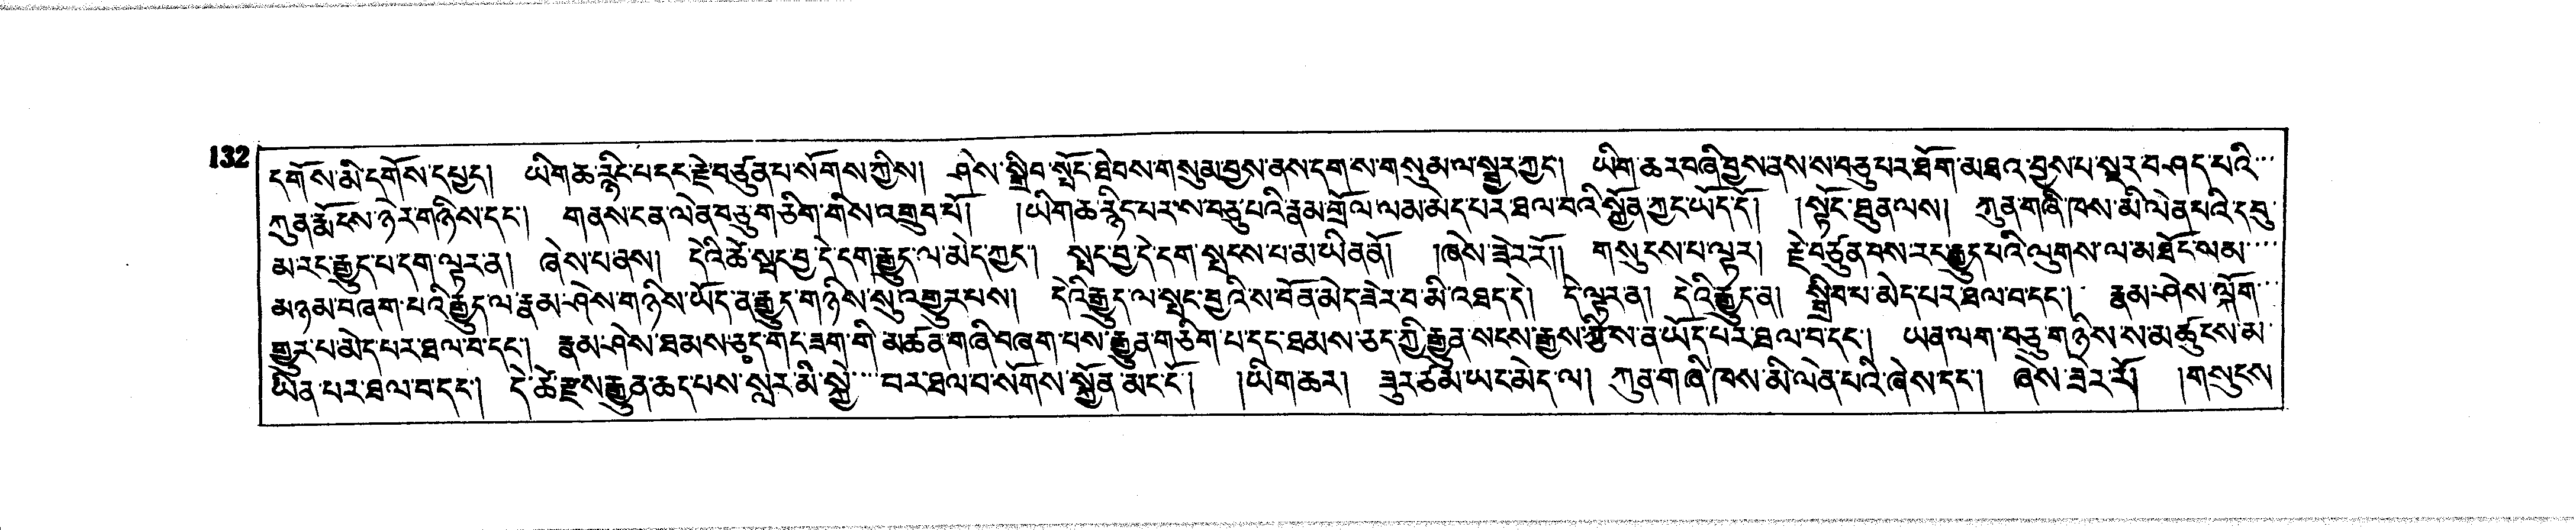དགོས་མི་དགོས་དཔྱད། ཡིག་ཆ་རྙིང་པ་དང་རྗེ་བཙུན་པ་སོགས་ཀྱིས། ཤེས་སྒྲིབ་སྤོང་ཐེབས་གསུམ་བྱས་ནས་དག་ས་གསུམ་ལ་སྦྱར་ཀྱང་། ཡིག་ཆར་བཞི་བྱས་ནས་ས་བཅུ་པར་ཐོག་མཐའ་བྱས་པ་སྔར་བཤད་པའི་
ཀུན་རྨོངས་ཉེར་གཉིས་དང་། གནས་ངན་ལེན་བཅུ་གཅིག་གིས་འགྲུབ་པོ། །ཡིག་ཆ་རྙིང་པར་ས་བཅུ་པའི་རྣམ་གྲོལ་ལམ་མེད་པར་ཐལ་པའི་སྐྱོན་ཀྱང་ཡོད་དོ། །སྟོང་ཐུན་ལས། ཀུན་གཞི་ཁས་མི་ལེན་པའི་དབུ་
མ་རང་རྒྱུད་པ་དག་ལྟར་ན། ཞེས་པ་ནས། དེའི་ཚེ་སྤང་བྱ་དེ་དག་རྒྱུད་ལ་མེད་ཀྱང་། སྤང་བྱ་དེ་དག་སྤངས་པ་མ་ཡིན་ནོ། །ཞེས་ཟེར་རོ། །གསུངས་པ་ལྟར། རྗེ་བཙུན་པས་རང་རྒྱུད་པའི་ལུགས་ལ་མཐོང་ལམ་
མཉམ་བཞག་པའི་རྒྱུད་ལ་རྣམ་ཤེས་གཉིས་ཡོད་ན་རྒྱུད་གཉིས་སུ་འགྱུར་པས། དེའི་རྒྱུད་ལ་སྤང་བྱའི་ས་བོན་མེད་ཟེར་བ་མི་འཐད་དེ། དེ་ལྟར་ན། དེའི་རྒྱུད་ན། སྒྲིབ་པ་མེད་པར་ཐལ་བ་དང་། རྣམ་ཤེས་ལྐོག་
གྱུར་པ་མེད་པར་ཐལ་བ་དང་། རྣམ་ཤེས་ཐམས་ཅད་གང་ཟག་གི་མཚན་གཞི་བཞག་པས་རྒྱུན་གཅིག་པ་དང་ཐམས་ཅད་ཀྱི་རྒྱུན་སངས་རྒྱས་ཀྱི་ས་ན་ཡོད་པར་ཐལ་བ་དང་། ཡན་ལག་བཅུ་གཉིས་ས་མཚུངས་མ་
ཡིན་པར་ཐལ་བ་དང་། དེ་ཚེ་རྫས་རྒྱུན་ཆད་པས་སླར་མི་སྐྱེ་བར་ཐལ་བ་སོགས་སྐྱོན་མང་ངོ། །ཡིག་ཆར། ཟུར་ཙམ་ཡང་མེད་ལ། ཀུན་གཞི་ཁས་མི་ལེན་པའི་ཞེས་དང་། ཞེས་ཟེར་རོ། །གསུངས་